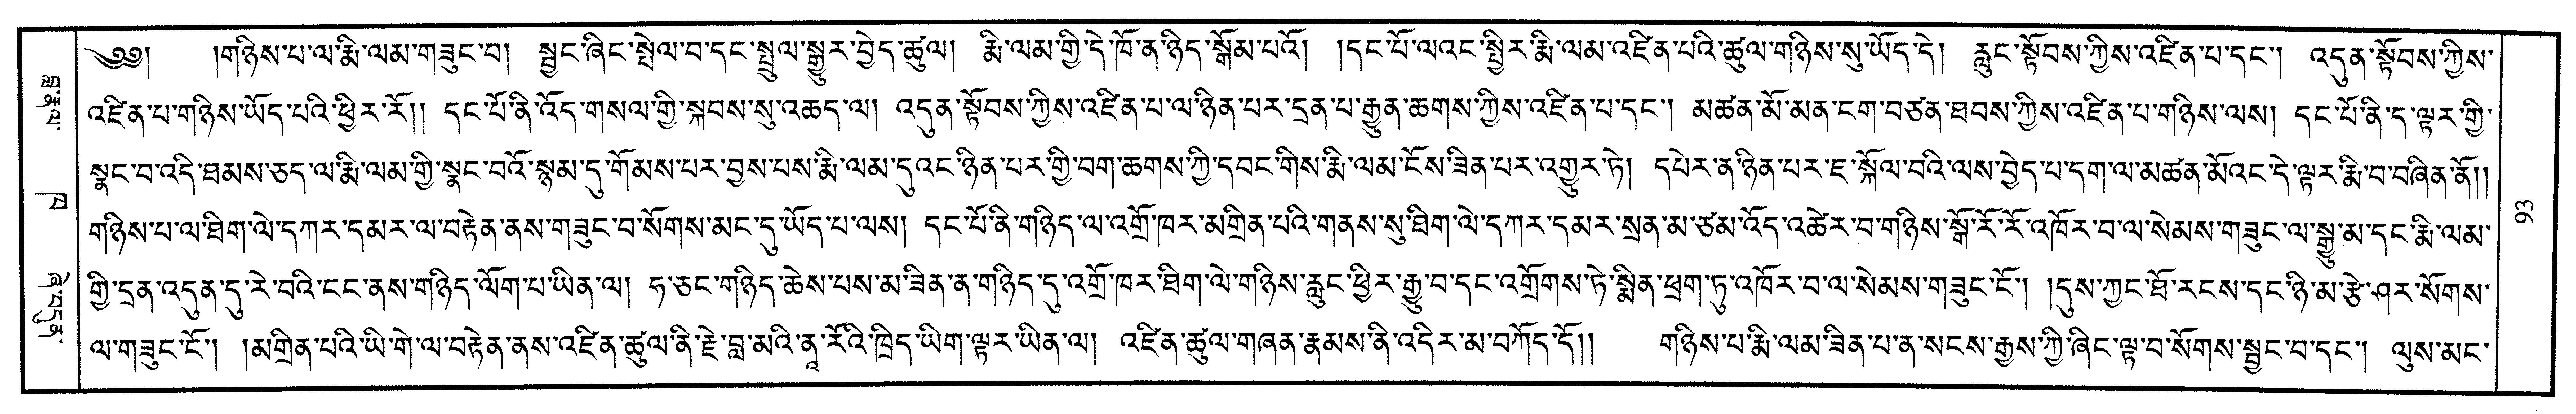༄༅། །གཉིས་པ་ལ་རྨི་ལམ་གཟུང་བ། སྦྱང་ཞིང་སྤེལ་བ་དང་སྤྲུལ་སྒྱུར་བྱེད་ཚུལ། རྨི་ལམ་གྱི་དེ་ཁོ་ན་ཉིད་སྒོམ་པའོ། །དང་པོ་ལའང་སྤྱིར་རྨི་ལམ་འཛིན་པའི་ཚུལ་གཉིས་སུ་ཡོད་དེ། རླུང་སྟོབས་ཀྱིས་འཛིན་པ་དང་། འདུན་སྟོབས་ཀྱིས་
འཛིན་པ་གཉིས་ཡོད་པའི་ཕྱིར་རོ།། དང་པོ་ནི་འོད་གསལ་གྱི་སྐབས་སུ་འཆད་ལ། འདུན་སྟོབས་ཀྱིས་འཛིན་པ་ལ་ཉིན་པར་དྲན་པ་རྒྱུན་ཆགས་ཀྱིས་འཛིན་པ་དང་། མཚན་མོ་མན་ངག་བཙན་ཐབས་ཀྱིས་འཛིན་པ་གཉིས་ལས། དང་པོ་ནི་ད་ལྟར་གྱི་
སྣང་བ་འདི་ཐམས་ཅད་ལ་རྨི་ལམ་གྱི་སྣང་བའོ་སྙམ་དུ་གོམས་པར་བྱས་པས་རྨི་ལམ་དུའང་ཉིན་པར་གྱི་བག་ཆགས་ཀྱི་དབང་གིས་རྨི་ལམ་ངོས་ཟིན་པར་འགྱུར་ཏེ། དཔེར་ན་ཉིན་པར་ཇ་སྐོལ་བའི་ལས་བྱེད་པ་དག་ལ་མཚན་མོའང་དེ་ལྟར་རྨི་བ་བཞིན་ནོ།།
གཉིས་པ་ལ་ཐིག་ལེ་དཀར་དམར་ལ་བརྟེན་ནས་གཟུང་བ་སོགས་མང་དུ་ཡོད་པ་ལས། དང་པོ་ནི་གཉིད་ལ་འགྲོ་ཁར་མགྲིན་པའི་གནས་སུ་ཐིག་ལེ་དཀར་དམར་སྲན་མ་ཙམ་འོད་འཚེར་བ་གཉིས་སྒོ་རོ་རོ་འཁོར་བ་ལ་སེམས་གཟུང་ལ་སྒྱུ་མ་དང་རྨི་ལམ་
གྱི་དྲན་འདུན་དུ་རེ་བའི་ངང་ནས་གཉིད་ལོག་པ་ཡིན་ལ། ཧ་ཅང་གཉིད་ཆེས་པས་མ་ཟིན་ན་གཉིད་དུ་འགྲོ་ཁར་ཐིག་ལེ་གཉིས་རླུང་ཕྱིར་རྒྱུ་བ་དང་འགྲོགས་ཏེ་སྨིན་ཕྲག་ཏུ་འཁོར་བ་ལ་སེམས་གཟུང་ངོ། །དུས་ཀྱང་ཐོ་རངས་དང་ཉི་མ་རྩེ་ཤར་སོགས་
ལ་གཟུང་ངོ། །མགྲིན་པའི་ཡི་གེ་ལ་བརྟེན་ནས་འཛིན་ཚུལ་ནི་རྗེ་བླ་མའི་ནཱ་རོའི་ཁྲིད་ཡིག་ལྟར་ཡིན་ལ། འཛིན་ཚུལ་གཞན་རྣམས་ནི་འདིར་མ་བཀོད་དོ།། གཉིས་པ་རྨི་ལམ་ཟིན་པ་ན་སངས་རྒྱས་ཀྱི་ཞིང་ལྟ་བ་སོགས་སྦྱང་བ་དང་། ལུས་མང་